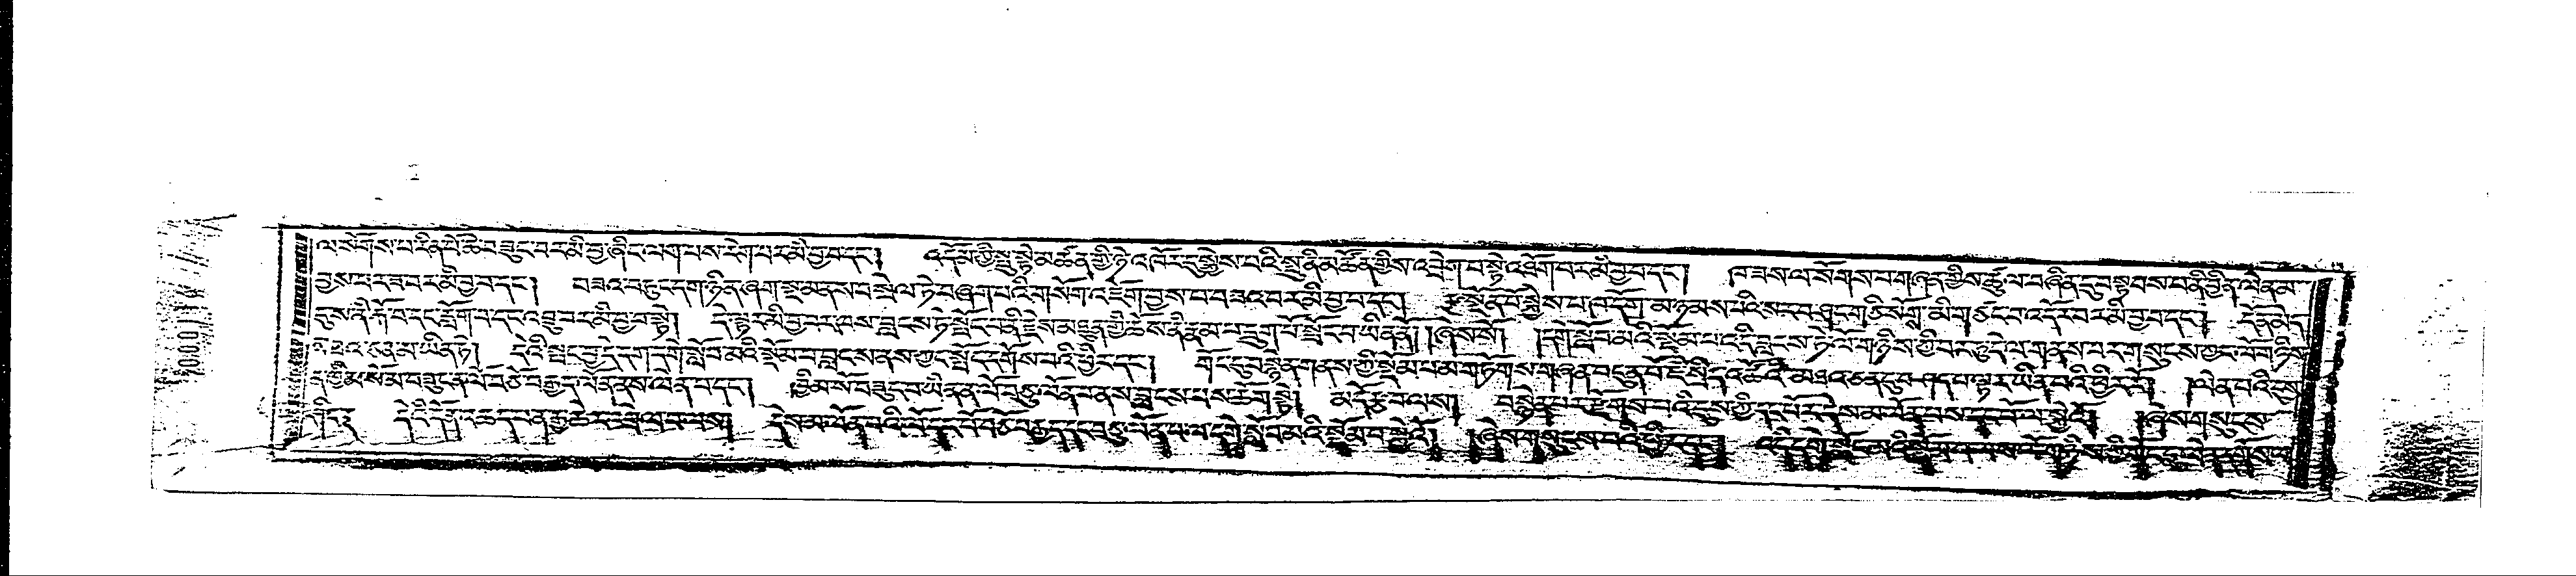ལ་སོགས་པ་རིན་པོ་ཆེ་བཟུང་བར་མི་བྱ་ཞིང་ལག་པས་རེག་པར་མི་བྱ་བ་དང་། འདོམ་ཀྱི་སྤུ་སྟེ་མཚན་གྱི་ཉེ་འཁོར་དུ་སྐྱེས་པའི་སྤུ་ནི་མཚོན་གྱིས་འབྲེག་པ་སྟེ་འཐོག་པར་མི་བྱ་བ་དང་། ཁ་ཟས་ལ་སོགས་པ་གཞན་གྱིས་ཚུལ་བཞིན་དུ་བསྟབས་པ་ནི་བྱིན་ལེན་མ་
བྱས་པར་ཟ་བར་མི་བྱ་བ་དང་། བཟའ་བཏུང་དག་ཉིན་ཞག་སྔ་མ་ནས་བསྲེལ་ཏེ་བཞག་པའི་གསོག་འཇོག་བྱས་པ་བཟའ་བར་མི་བྱ་བ་དང་། རྩ་སྔོན་པོ་སྐྱེས་པ་ཁ་དོག་མ་ཉམས་པའི་སར་བ་ཤང་གཅི་སོགས་མི་གཙང་བ་འདོར་བར་མི་བྱ་བ་དང་། དོན་མེད་
དུས་ནི་རྐོ་བ་དང་རློག་པ་དང་འབྲུ་བར་མི་བྱ་བ་སྟེ། དེ་ལྟར་མི་བྱ་བར་ཁས་བླངས་ཏེ་སྤོང་བ་ནི་རྗེས་མཐུན་གྱི་ཆོས་ནི་རྣམ་པ་དྲུག་པོ་སྤོང་བ་ཡིན་ནོ། །ཞེས་སོ། །དགེ་སློབ་མའི་སྡོམ་པ་འདི་བླངས་ཏེ་ལོ་གཉིས་ཀྱི་བར་དུ་དེ་ལ་གནས་པར་གསུངས་ཀྱང་ལོ་གཉིས་
མཐའ་ཅན་མ་ཡིན་ཏེ། དེའི་སྤང་བྱ་དེ་དག་དགེ་སློབ་མའི་སྡོམ་པ་བླངས་ནས་ཀྱང་སྤོང་དགོས་པའི་ཕྱིར་དང་། གོང་དུ་བསྙེན་གནས་ཀྱི་སྡོམ་པ་མ་གཏོགས་གཞན་བདུན་པོ་ཇི་སྲིད་འཚོའི་མཐའ་ཅན་དུ་བཤད་པ་ལྟར་ཡིན་པའི་ཕྱིར་རོ། །ལེན་པའི་དུས་
ན་ཁྱིམ་སོམ་བཟུང་ན་ལོ་བཅོ་བརྒྱད་ལོན་ནས་ལེན་པ་དང་། ཁྱིམ་སོ་བཟུང་བ་ཡིན་ན་ལོ་བཅུ་ལོན་པ་ནས་བླངས་པས་ཆོག་སྟེ། མདོ་རྩ་བ་ལས། བསྙེན་པར་རྫོགས་པའི་དུས་ཀྱི་དང་པོར་དེས་མ་ལོན་པས་དང་པོ་ལ་སྐྱེའོ། །ཞེས་གསུངས་
ཤིང༑ དེའི་དོན་འཆད་པ་ན་རྒྱ་ཆེར་འབྲེལ་བ་ལས། དེས་མ་ལོན་པའི་ལོ་དང་པོ་བཅོ་བརྒྱད་དང་བཅུ་ལོན་པ་ལ་དགེ་སློབ་མའི་སྡོམ་པ་སྐྱེའོ། །ཞེས་གསུངས་པའི་ཕྱིར་དང་། འདི་དགེ་སློང་མའི་སྡོམ་པ་ལས་ལོ་གཉིས་ཀྱི་གོང་དུ་ལེན་དགོས་ལ།